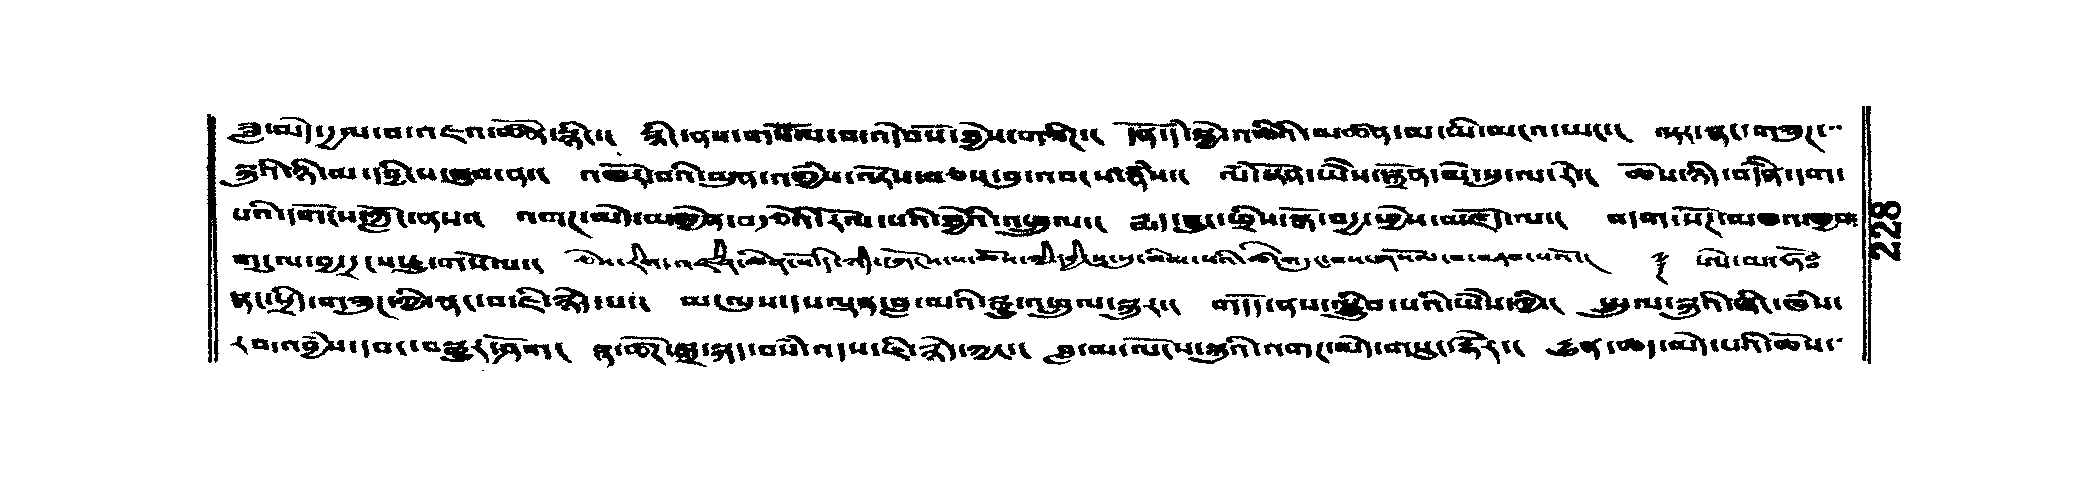ཟླ་མེད་རྒྱལ་བ་འཇའ་ཚོན་སྙིང་། །སྙིང་ནས་གསོལ་བ་འདེབས་སོ་ཐུགས་རྗེས་གཟིགས། །དོན་དམ་སྐྱེ་འཆིའི་མཚན་མ་མི་མངའ་ཡང་། །ལྟར་སྣང་གཟུགས་
སྐུའི་ཉི་མ་དབྱིངས་ནུབ་ན། །འཁོར་བའི་མུན་འཁྱམས་ལྟོས་བཅས་བུ་འབངས་རྣམས། །ལམ་སྟོན་ཡེ་ཤེས་སྒྲོན་མེ་སུ་ལ་རེ། །ཆོས་ཉིད་བདེ་ཆེན་དག་
པའི་དགོངས་ཀློང་ནས། །འགགས་མེད་མཁྱེན་བརྩེའི་རོལ་བའི་ཐུགས་རྗེའི་འཕྲུལ། །རྨད་བྱུང་ཕྲིན་ལས་སྒོ་བརྒྱ་ཕྱེས་མཛོད་ལ། །བདག་སོགས་མཁའ་ཁྱབ་
གདུལ་བྱ་དྲངས་ཏུ་གསོལ། ཅེས་རིག་འཛིན་ཆེན་པོ་དེ་ཉིད་དགོངས་པ་ཆོས་ཀྱི་དབྱིངས་སུ་སིམ་པའི་ཚེ་གདུང་བས་གསོལ་བ་བཏབ་པའོ།། ༈ ཨེ་མ་ཧོཿ 
སྣང་སྲིད་གཟུགས་ཀྱི་སྣང་བ་ཇི་སྙེད་པ། །མ་ལུས་དཔལ་ལྡན་བླ་མའི་སྒྱུ་འཕྲུལ་སྐུར། །གདོད་ནས་ལྷུན་གྱི་གྲུབ་པའི་ཡེ་ཤེས་ཀྱི། །སྤྲུལ་སྐུའི་ཞིང་ཁམས་
རབ་འབྱམས་དབང་བསྒྱུར་ཤོག།སྣ་ཚོགས་སྒྲ་སྐད་བསམ་འདས་ཇི་སྙེད་ཀྱང་། །བླ་མ་ལོངས་སྐུའི་འགགས་མེད་གསུང་རྡོ་རྗེར། །རྒྱུན་ཆད་མེད་པའི་ཆོས་